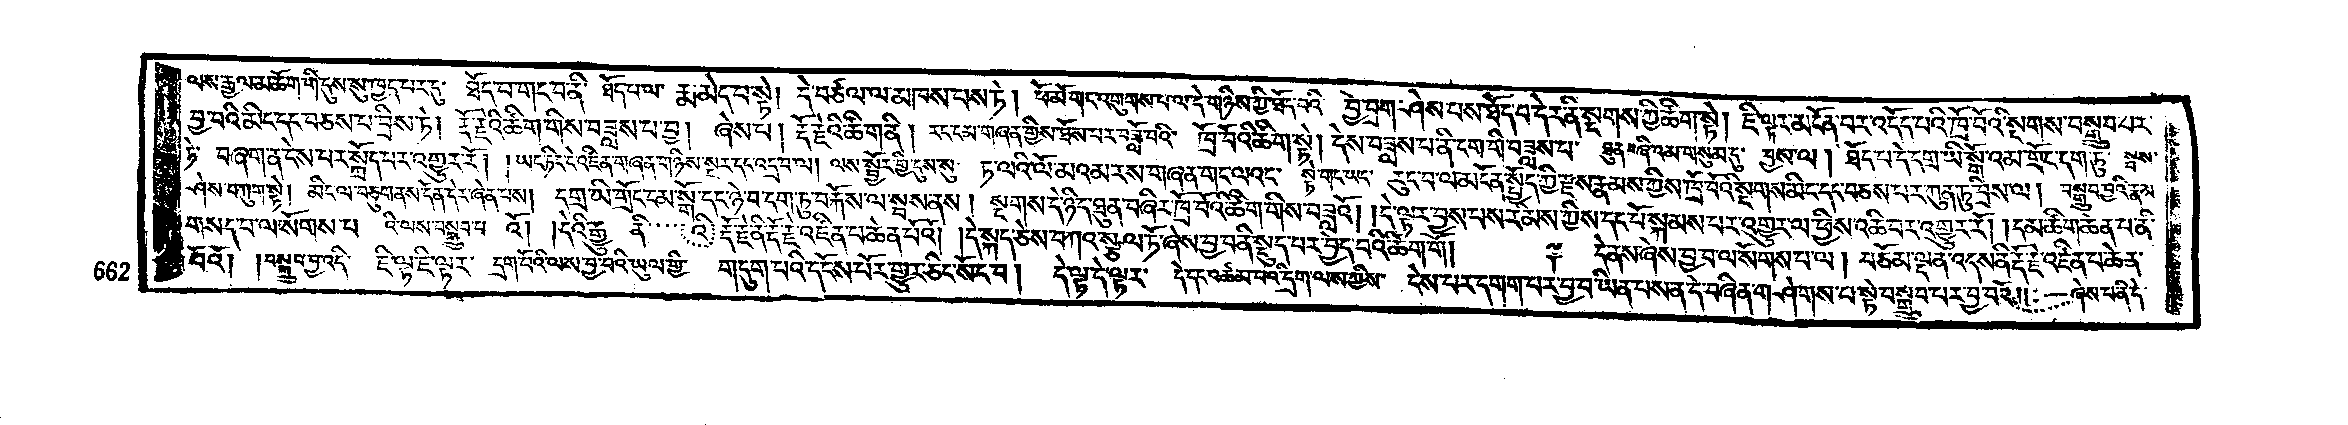ལས་རྒྱལ་མཆོག་གི་དུས་སུ་ཁྱད་པར་དུ་ཐོད་པ་གང་བ་ནི་ཐོད་པ་ལ་རྨ་མེད་པ་སྟེ། དེ་བཙལ་ལ་མཁས་པས་ཏེ། ཕོ་མོ་གང་འགུགས་པ་ལ་དེ་གཉིས་ཀྱི་ཐོད་པའི་བྱེ་བྲག་ཤེས་པས་ཐོད་པ་དེར་ནི་སྔགས་ཀྱི་ཚིག་སྟེ། ཇི་ལྟར་མངོན་པར་འདོད་པའི་ཁྲོ་བོའི་སྔགས་བསྒྲུབ་པར་
བྱ་བའི་མིང་དང་བཅས་པ་བྲིས་ཏེ། རྡོ་རྗེའི་ཚིག་གིས་བཟླས་པ་བྱ། ཞེས་པ། རྡོ་རྗེའི་ཚིག་ནི། རང་ངམ་གཞན་གྱིས་ཐོས་པར་བཟློ་བའི་ཁྲོ་བོའི་ཚིག་སྟེ། དེས་བཟས་པ་ནི་ངག་གི་བཟླས་པ། ཐུན་བཞི་འམ་གསུམ་དུ་བྱས་ལ། ཐོད་པ་དེ་དགྲ་ཡི་སྒོ་འམ་གྲོང་དག་ཏུ་སྔས་
ཏེ་བཞག་ན་ངེས་པར་སྐྲོད་པར་འགྱུར་རོ། ། ཡང་ཏིང་ངེ་འཛིན་གཞན་གཉིས་སྔར་དང་འདྲ་བ་ལ། ལས་སྦྱོར་གྱི་དུས་སུ་ཏ་ལའི་ལོ་མའམ་རས་གཞན་གང་ལའང་སྟེ་གང་ཡང་རུང་བ་ལ་མངོན་སྤྱོད་ཀྱི་རྫས་རྣམས་ཀྱིས་ཁྲོ་བོའི་སྔགས་མིང་དང་བཅས་པར་ཀུན་ཏུ་བྲིས་ལ། བསྒྲུབ་བྱའི་རྣམ་
ཤེས་བཀུག་སྟེ། མིང་ལ་བཅུག་ནས་དོན་དེར་ཞེན་པས། དགྲ་ཡི་གྲོང་ངམ་སྒོ་དང་ཉེ་བ་དག་ཏུ་བརྐོས་ལ་སྦས་ནས། སྔགས་དེ་ཉིད་ཐུན་བཞིར་ཁྲོ་བོའི་ཚིག་གིས་བཟླའོ། །དེ་ལྟར་བྱས་པས་རིམས་ཀྱིས་དང་པོ་སྐམས་པར་འགྱུར་ལ་ཕྱིས་འཆི་བར་འགྱུར་རོ། །དམ་ཚིག་ཆེན་པ་ནི་
གསད་པ་ལ་སོགས་པའི་ལས་བསྒྲུབ་པའོ། །དེའི་རྒྱུ་ནིའི་རྡོ་རྗེ་ནི་རྡོ་རྗེ་འཛིན་པ་ཆེན་པོའོ། །དེ་སྐད་ཅེས་བཀའ་སྩལ་ཏོ་ཞེས་བྱ་བ་ནི་སྡུད་པར་བྱེད་པའི་ཚིག་གོ ། ༈ དེ་ནས་ཞེས་བྱ་བ་ལ་སོགས་པ་ལ། བཅོམ་ལྡན་འདས་ནི་རྡོ་རྗེ་འཛིན་པ་ཆེན་
པོའོ། །བསྒྲུབ་བྱ་འདི་ཇི་ལྟ་ཇི་ལྟར་དྲག་པོའི་ལས་བྱ་བའི་ཡུལ་གྱི་གདུག་པའི་དངོས་པོར་གྱུར་ཅིང་སོང་བ། དེ་ལྟ་དེ་ལྟར་དེ་དང་འཚམ་པའི་དྲག་ལས་ཀྱིས་ངེས་པར་དགག་པར་བྱ་བ་ཡིན་པས་ན་དེ་བཞིན་གཤེགས་པ་སྟེ་བསྒྲུབ་པར་བྱ་བའོ།།H.་ཞེས་པ་ནི་དེ་